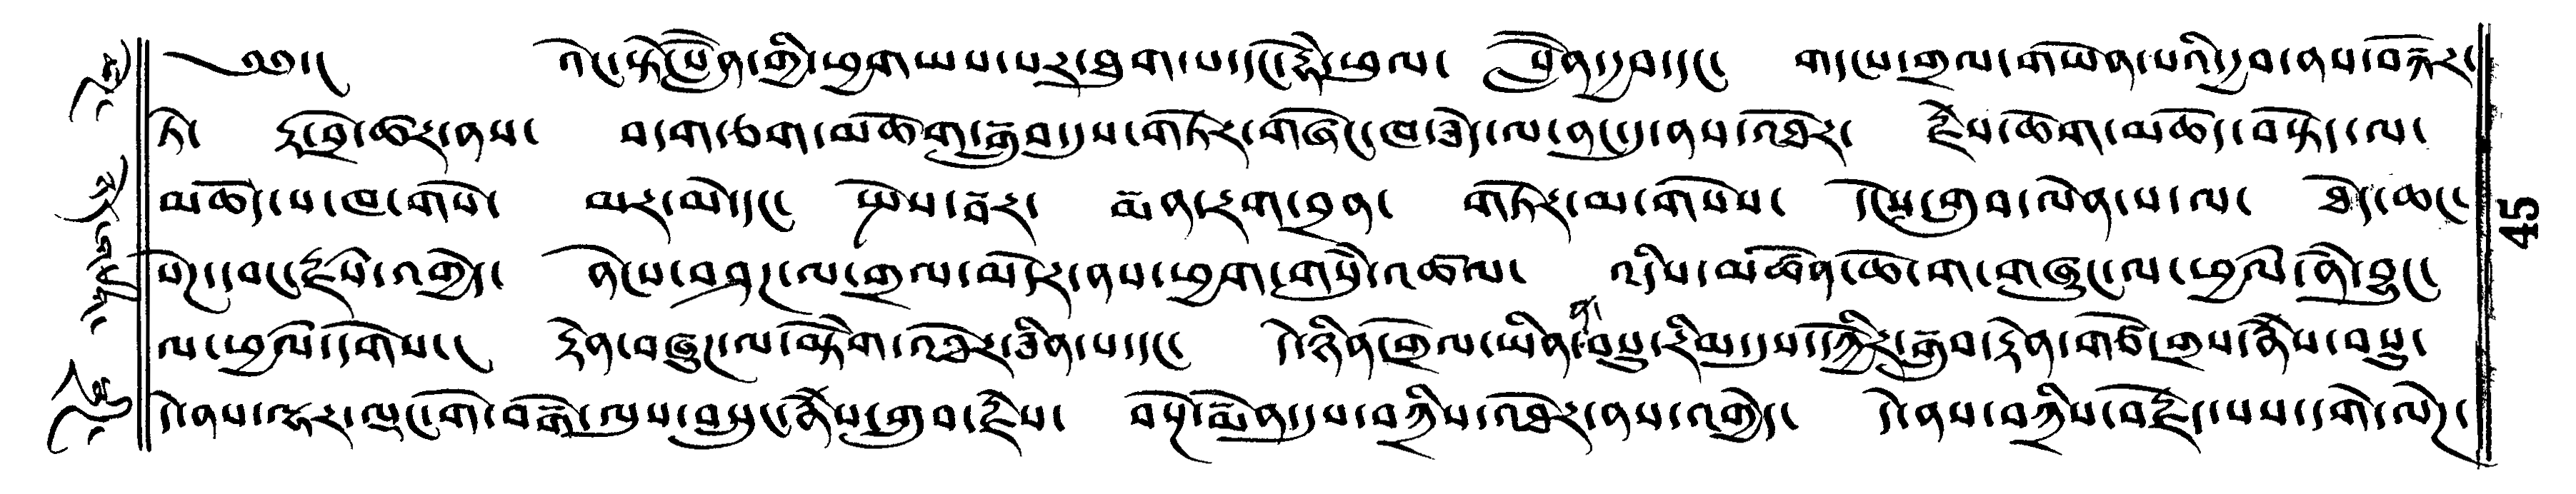འོང་སྟེ་སློབ་དཔོན་གྱི་ཕྱག་གཡས་པར་ཐུག་པ་དང་རྡོ་རྗེ་ཕུལ། སློབ་དཔོན་རྒྱབ་དང་། གདངས་གྲལ་གཡོན་པའི་རྒྱབ་ནས་བསྐོར་
ཏེ། རྟ་བྲོ་ཚར་ནས། བདག་ཅག་མཆོག་སྒྲུབ་དུས་གཏོར་གཞོང་ཁ་ཟེད་ལ་ནང་དུ་ནས་འཐོར། རྗེས་ཆོག་མཆོད་བསྟོད་ལ་
མཆོད་པ་ཁ་གསོ། མར་མེ་དང་སྤོས་སྦར། སྨན་རག་བྲན། གཏོར་མ་གསོས། དངོས་གྲུབ་ལེན་པ་ལ། ཐོད་ཆང་
སོགས་དབང་རྫས་འགྱེད། ནོངས་བཤགས་ལ་གྲལ་མདོ་ནས་ཕྱག་གསུམ་འཚལ། འདིས་མཚོན་ཆོ་གའི་གཞུང་ལ་ཕྱག་འཚལ་ནམ་བྱུང་
ལ་ཕྱག་འཚལ་དགོས། རྟེན་བཞུགས་ལ་མེ་ཏོག་འཐོར་ཟིན་པ་དང་། དེ་ཉིན་གྲོལ་བ་ཡིན་ན་བསྡུ་རིམ་དུས་དཀྱིལ་འཁོར་སྒྲུབ་རྟེན་གཙོ་གྲས་རྣམས་བསྡུ། 
དེ་ནས་ལྷར་ལྡང་གོ་བསྒོ་ལུས་བསྲུང་རྣམས་གྲུབ་རྗེས། བསྔོ་སྨོན་དུས་བཀྲ་ཤིས་འཐོར་ནས་འགྱེད། དེ་ནས་བཀྲ་ཤིས་བརྗོད་པས་དགེ་ལེགས་ཀྱི་